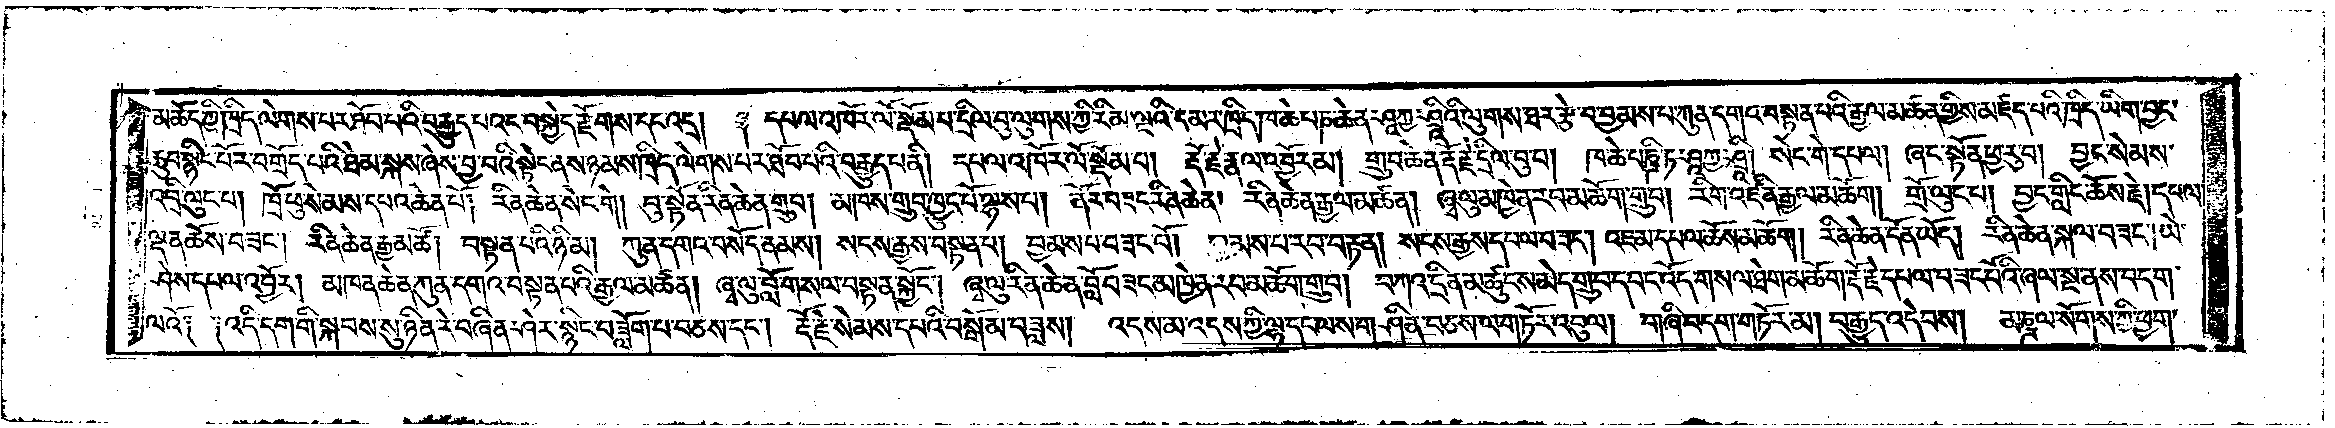མཆོད་ཀྱི་ཁྲིད་ལེགས་པར་ཐོབ་པའི་བརྒྱུད་པའང་བསྐྱེད་རྫོགས་དང་འདྲ། ༈ དཔལ་འཁོར་ལོ་སྡོམ་པ་དྲིལ་བུ་ལུགས་ཀྱི་རིམ་ལྔའི་དམར་ཁྲིད་ཁ་ཆེ་པཎ་ཆེན་ཤཱཀྱ་ཤྲཱིཨཱི་ལུགས་ཐར་རྩེ་བ་བྱམས་པ་ཀུན་དགའ་བསྟན་པའི་རྒྱལ་མཚན་གྱིས་མཛད་པའི་ཁྲིད་ཡིག་བྱང་
ཆུབ་སྙིང་པོར་བགྲོད་པའི་ཐེམ་སྐས་ཞེས་བྱ་བའི་སྟེང་ནས་ཉམས་ཁྲིད་ལེགས་པ་ཐོབ་པའི་བརྒྱུད་པ་ནི། དཔལ་འཁོར་ལོ་སྡོམ་པ། རྡོ་རྗེ་རྣལ་འབྱོར་མ། གྲུབ་ཆེན་རྡོ་རྗེ་དྲིལ་བུ་པ། ཁ་ཆེ་པཎྜི་ཏ་ཤཱཀྱ་ཤྲཱི། སེང་གེ་དཔལ། ཞང་སྟོན་ཕྱ་རུ་བ། བྱང་སེམས་
འབྲི་ལུང་པ། ཁྲོ་ཕུ་སེམས་དཔའ་ཆེན་པོ། རིན་ཆེན་སེང་གེ། བུ་སྟོན་རིན་ཆེན་གྲུབ། མཁས་གྲུབ་ཁྱུང་པོ་ལྷས་པ། ནོར་བཟང་རིན་ཆེན། རིན་ཆེན་རྒྱལ་མཚན། ཞྭ་ལུ་མཁྱེན་རབ་མཆོག་གྲུབ། རིག་འཛིན་རྒྱལ་མཆོག། གྲོ་ལུང་པ། བྱང་གླིང་ཆོས་རྗེ། དཔལ་
ལྡན་ཆོས་བཟང་། རིན་ཆེན་རྒྱ་མཚོ། བསྟན་པའི་ཉི་མ། ཀུན་དགའ་བསོད་ནམས། སངས་རྒྱས་བསྟན་པ། བྱམས་པ་བཟང་པོ། བྱམས་པ་རབ་བརྟན། སངས་རྒྱས་དཔལ་བཟང་། འཇམ་དཔལ་ཆོས་མཆོག། རིན་ཆེན་དོན་ཡོད། རིན་ཆེན་སྐལ་བཟང་། ཡེ་
ཤེས་དཔལ་འབྱོར། མཁན་ཆེན་ཀུན་དགའ་བསྟན་པའི་རྒྱལ་མཚན། ཞྭ་ལུ་བློ་གསལ་བསྟན་སྐྱོང་། ཞྭ་ལུ་རིན་ཆེན་བློ་བཟང་མཁྱེན་རབ་མཆོག་གྲུབ། བཀའ་དྲིན་མཚུངས་མེད་གྲུབ་དབང་འོད་གསལ་ཐེག་མཆོག་རྡོ་རྗེ་དཔལ་བཟང་པོའི་ཞལ་སྔ་ནས་བདག་
ལའོ༑ ༑འདི་དག་གི་སྐབས་སུ་ཉིན་རེ་བཞིན་ཤེར་སྙིང་བཟློག་པ་བཅས་དང་། རྡོ་རྗེ་སེམས་དཔའི་བསྒོམ་བཟླས། འདས་མ་འདས་ཀྱི་ལྷ་དང་ལས་གཤིན་བཅས་ལ་གཏོར་འབུལ། གཞི་བདག་གཏོར་མ། བརྒྱུད་འདེབས། མཎྜལ་སོགས་ཀྱི་ཕྱག་